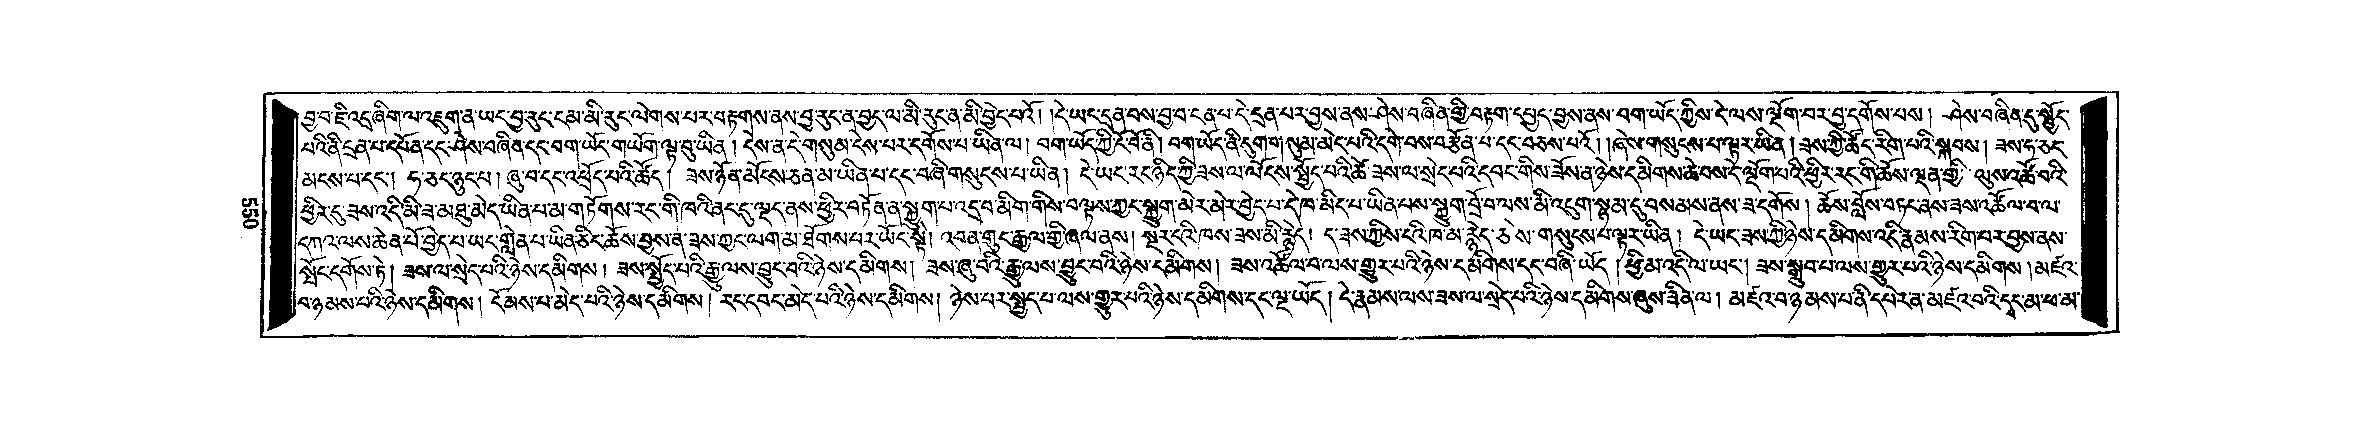བྱ་བ་ཇི་འདྲ་ཞིག་ལ་འཇུག་ན་ཡང་བྱ་རུང་ངམ་མི་རུང་ལེགས་པར་བརྟགས་ནས་བྱ་རུང་ནས་བྱད་ལ་མི་རུང་ན་མི་བྱེད་པའོ། །དེ་ཡང་དྲན་བས་བྱ་བ་ངན་པ་དེ་དྲན་པར་བྱས་ནས་ཤེས་བཞིན་གྱི་བརྟགས་དཔྱད་བྱས་ནས་བག་ཡོད་ཀྱིས་དེ་ལས་ལྡོག་པར་བྱ་དགོས་པས། ཤེས་བཞིན་དུ་སྤྱོད་
པའི་ནི་དྲན་པ་དཔོན་དང་ཤེས་བཞིན་དང་བག་ཡོད་གཡོག་ལྟ་བུ་ཡིན། དེས་ན་དེ་གསུམ་ངེས་པར་དགོས་པ་ཡིན་ལ། བག་ཡོད་ཀྱི་ངོ་བོ་ནི། བག་ཡོད་ནི་དུག་གསུམ་མེད་པའི་དགེ་བས་བརྩོན་པ་དང་བཅས་པའོ། །ཞེས་གསུངས་པ་ལྟར་ཡིན། ཟས་ཀྱི་ཚོད་རིག་པའི་སྐབས། ཟས་ཧ་ཅང་
མངས་པ་དང་། ཧ་ཅང་ཉུང་པ། ཞུ་བ་དང་འཕྲོད་པའི་ཚོད། ཟས་ཉོན་མོངས་ཅན་མ་ཡིན་པ་དང་བཞི་གསུངས་པ་ཡིན། དེ་ཡང་རང་ཉིད་ཀྱི་ཟས་ལ་ལོངས་སྤྱོད་པའི་ཚེ་ཟས་ལ་སྲེད་པའི་དབང་གིས་ཟོས་ན་ཉེས་དམིགས་ཆེ་བས་དེ་ལྡོག་པའི་ཕྱིར་རང་གི་ཆོས་ལྡན་གྱི་ལུས་འཚོ་བའི་
ཕྱིར་དུ་ཟས་འདི་མི་ཟ་མཐུ་མེད་ཡིན་པ་མ་གཏོགས་རང་གི་ཁའི་ནང་དུ་ལྡད་ནས་ཕྱིར་བཏོན་ན་སྐྱུག་པ་འདྲ་བ་མིག་གིས་བལྟས་ཀྱང་སྐྱུག་མེར་མེར་བྱེད་པ་དེ་ཁ་མིད་པ་ཡིན་པས་སྐྱུག་བྲོ་བ་ལས་མི་འདུག་སྙམ་དུ་བསམས་ནས་ཟ་དགོས། ཆོས་བློས་བཏང་ནས་ཟས་འཚོལ་བ་ལ་
དཀའ་ལས་ཆེན་པོ་བྱེད་པ་ཡང་གླེན་པ་ཡིན་ཅིང་ཆོས་བྱས་ན་ཟས་ཀྱང་ལག་མ་ཐོགས་པར་ཡོང་སྟེ། འབན་གུང་རྒྱལ་གྱི་ཞལ་ནས། སྔར་ངའི་ཁས་ཟས་མི་རྙེད། ད་ཟས་ཀྱིས་ངའི་ཁ་མ་རྙེད་ཅེས་གསུངས་པ་ལྟར་ཡིན། དེ་ཡང་ཟས་ཀྱི་ཉེས་དམིགས་འདི་རྣམས་རིག་པར་བྱས་ནས་
སྤོང་དགོས་ཏེ། ཟས་ལ་སྲེད་པའི་ཉེས་དམིགས། ཟས་སྤྱོད་པའི་རྒྱུ་ལས་བྱུང་བའི་ཉེས་དམིགས། ཟས་ཞུ་བའི་རྒྱུ་ལས་བྱུང་བའི་ཉེས་དམིགས། ཟས་འཚོལ་བ་ལས་གྱུར་བའི་ཉེས་དམིགས་དང་བཞི་ཡོད། ཕྱི་མ་འདི་ལ་ཡང་། ཟས་སྒྲུབ་པ་ལས་གྱུར་བའི་ཉེས་དམིགས། མཛའ་
བ་ཉམས་པའི་ཉེས་དམིགས། ངོམས་པ་མེད་པའི་ཉེས་དམིགས། རང་དབང་མེད་པའི་ཉེས་དམིགས། ཉེས་པར་སྤྱད་པ་ལས་གྱུར་པའི་ཉེས་དམིགས་དང་ལྔ་ཡོད། དེ་རྣམས་ལས་ཟས་ལ་སྲེད་པའི་ཉེས་དམིགས་ཞུས་ཟིན་ལ། མཛའ་བ་ཉམས་པ་ནི་དཔེར་ན་མཛའ་བའི་དྭང་མ་ཕ་མ་